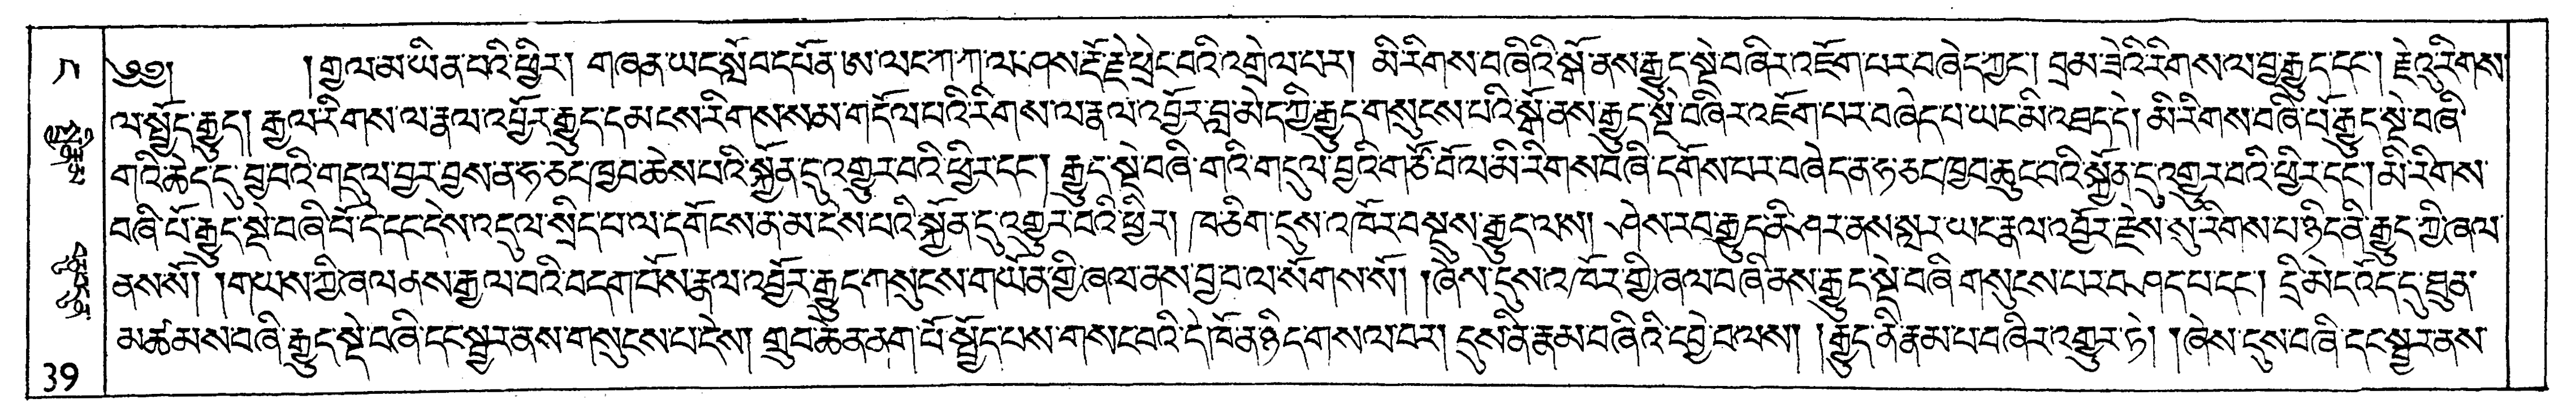༄༅། །གྱལ་མ་ཡིན་པའི་ཕྱིར། གཞན་ཡང་སློབ་དཔོན་ཨ་ལང་ཀ་ཀ་ལ་ཤས་རྡོ་རྗེ་ཕྲེང་བའི་འགྲེལ་པར། མི་རིགས་བཞིའི་སྒོ་ནས་རྒྱུད་སྡེ་བཞིར་འཇོག་པར་བཞེད་ཀྱང་། བྲམ་ཟེའི་རིགས་ལ་བྱ་རྒྱུད་དང་། རྗེའུ་རིགས་
ལ་སྤྱོད་རྒྱུད། རྒྱལ་རིགས་ལ་རྣལ་འབྱོར་རྒྱུད་དམངས་རིགས་སམ་གདོལ་པའི་རིགས་ལ་རྣལ་འབྱོར་བླ་མེད་ཀྱི་རྒྱུད་གསུངས་པའི་སྒོ་ནས་རྒྱུད་སྡེ་བཞིར་འཇོག་པར་བཞེད་པ་ཡང་མི་འཐད་དེ། མི་རིགས་བཞི་པོ་རྒྱུད་སྡེ་བཞི་
གའི་ཆེད་དུ་བྱ་བའི་གདུལ་བྱར་བྱས་ན་ཧ་ཅང་ཁྱབ་ཆེས་པའི་སྐྱོན་དུ་འགྱུར་བའི་ཕྱིར་དང་། རྒྱུད་སྡེ་བཞི་གའི་གདུལ་བྱའི་གཙོ་བོ་ལ་མི་རིགས་བཞི་དགོས་པར་བཞེད་ན་ཧ་ཅང་ཁྱབ་ཆུང་བའི་སྐྱོན་དུ་འགྱུར་བའི་ཕྱིར་དང་། མི་རིགས་
བཞི་པོ་རྒྱུད་སྡེ་བཞི་པོ་དེ་དང་དེས་འདུལ་སྲིད་པ་ལ་དགོངས་ན་མ་ངེས་པའི་སྐྱོན་དུ་འགྱུར་བའི་ཕྱིར། ཁ་ཅིག་དུས་འཁོར་བསྡུས་རྒྱུད་ལས། ཤེས་རབ་རྒྱུད་ནི་ཤར་ནས་སླར་ཡང་རྣལ་འབྱོར་རྗེས་སུ་རིགས་པ་ཉིད་ནི་རྒྱུད་ཀྱི་ཞལ་
ནས་སོ། །གཡས་ཀྱི་ཞལ་ནས་རྒྱལ་བའི་བདག་པོས་རྣལ་འབྱོར་རྒྱུད་གསུངས་གཡོན་གྱི་ཞལ་ནས་བྱ་བ་ལ་སོགས་སོ། །ཞེས་དུས་འཁོར་གྱི་ཞལ་བཞི་ནས་རྒྱུད་སྡེ་བཞི་གསུངས་པར་བཤད་པ་དང་། དྲི་མེད་འོད་དུ་ཐུན་
མཚམས་བཞི་རྒྱུད་སྡེ་བཞི་དང་སྦྱར་ནས་གསུངས་པ་དེས། གྲུབ་ཆེན་ནག་པོ་སྤྱོད་པས་གསང་བའི་དེ་ཁོ་ན་ཉིད་གསལ་བར། དུས་ནི་རྣམ་བཞིའི་དབྱེ་བ་ལས། །རྒྱུད་ནི་རྣམ་པ་བཞིར་འགྱུར་ཏེ། །ཞེས་དུས་བཞི་དང་སྦྱར་ནས་